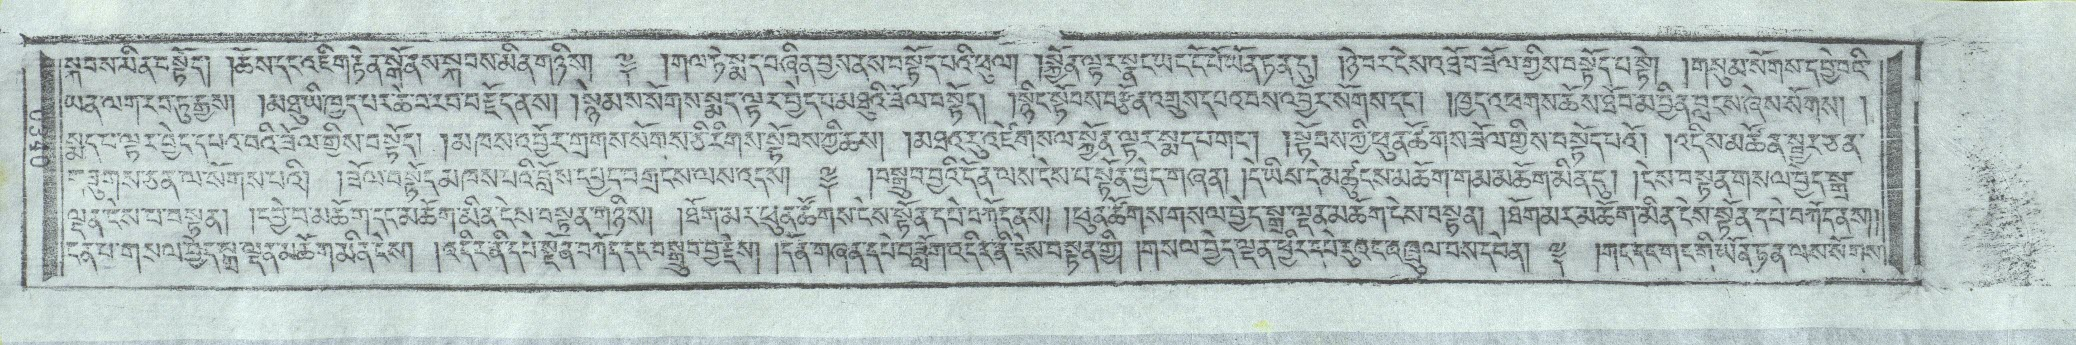སྐབས་མིན་བསྟོད། །ཆོས་དང་འཇིག་རྟེན་སྒོ་ནས་སྐབས་མིན་གཉིས། ༈ །གལ་ཏེ་སྨད་བཞིན་བྱས་ནས་བསྟོད་པའི་ཕུལ། །སྐྱོན་ལྟར་སྣང་ཡང་ངོ་བོ་ཡོན་ཏན་དུ། །ཉེ་བར་ངེས་འཐོབ་ཟོལ་གྱིས་བསྟོད་པ་སྟེ། །གསུམ་སོགས་དབྱེ་བའི་
ཡན་ལག་རབ་ཏུ་རྒྱས། །མཐུ་ཡི་ཁྱད་པར་ཆེ་བ་རབ་བརྗོད་ནས། །སྙེམས་སོགས་སྨད་ལྟར་བྱེད་པ་མཐུའི་ཟོལ་བསྟོད། །སྙིང་སྟོབས་བརྩོན་འགྲུས་དབའ་བས་འབྱོར་སོགས་དང་། །ཁྱད་འཕགས་ཆོས་ཐོབ་མ་བྱིན་བླངས་ཞེས་སོགས། །
སྨད་པ་ལྟར་བྱེད་དཔའ་བའི་ཟོལ་གྱིས་བསྟོད། །མཁས་འབྱོར་གྲགས་སོགས་ཅི་རིགས་སྟོབས་ཀྱི་ཆས། །མཐའ་རུ་འཛོགས་ལ་སྐྱོན་ལྟར་སྨད་པ་གང་། །སྟོབས་ཀྱི་ཕུན་ཚོགས་ཟོལ་གྱིས་བསྟོད་པའོ། །འདི་མཚོ་སྦྱར་ཅན་
གཟུགས་ཅན་ལ་སོགས་པའི། །ཟོལ་བསྟོད་མཁས་པའི་བློས་དཔྱད་བགྲངས་ལས་འདས། ༈ །བསྒྲུབ་བྱའི་དོན་ལས་ངེས་པ་སྟོན་བྱེད་གཞན། །དེ་ཡིད་དེ་མཚུངས་ཆོག་གམ་མཆོག་མིན་དུ། །ངེས་བསྟན་གསལ་བྱད་སྒྲ་
ལྡན་ངེས་བ་བསྟན། །དབྱེ་བ་མཆོག་དང་མཆོག་མིན་དེས་བསྟང་གཉིས། །ཐོག་མར་ཕུན་ཚོགས་ངེས་སྟོན་དཔེ་བཀོད་ནས། །ཕུན་ཚོགས་གསལ་བྱེད་སྒྲ་ལྡན་མཆོག་ངེས་བསྟན། །ཐོག་མར་མཆོག་མིན་ངེས་སྟོན་དཔེ་བཀོད་ནས། །
ངན་པ་གསལ་བྱེད་སྒྲ་ལྡན་མཆོག་མིན་ངེས། །འདིར་ནི་དཔེ་སྔོན་བཀོད་དང་བསྒྲུབ་བྱ་རྗེས། །དོན་གཞན་དཔེ་བཟློག་འདིར་ནི་ངེས་བསྟན་གྱི། །གསལ་བྱེད་ལྡན་ཕྱིར་དཔེ་རུའང་འཁྲུལ་བས་དབོན། ༈ །གང་དང་གང་གི་ཡོན་ཏན་ལས་སོགས།